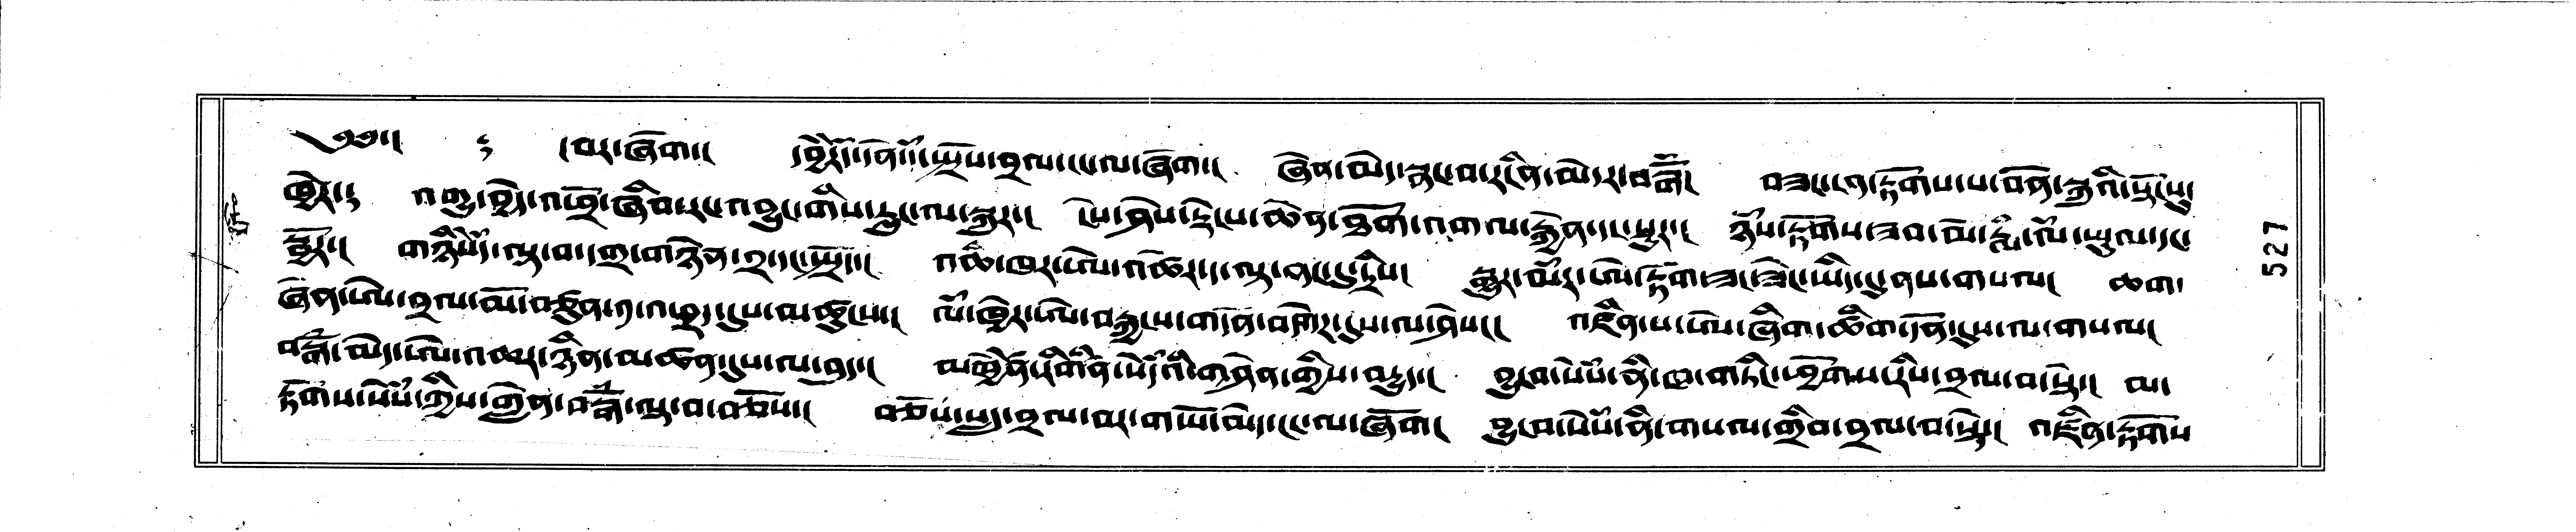བར་ཞོག བྱར་མེད་དོན་དམ་སྤྲོས་བྲལ་ངང་ལ་ཞོག ཞེན་མེད་སྣང་བ་རང་བཞིན་མེད་པར་སྒོམ། བཟང་ངན་རྟོག་པ་བོན་སྐུའི་སྡོངས་སུ་
ཁྱེར། འབྱུ་༼འགྱུ༽བྱེད་འཕྲ་ཞིབ་རང་འབྱུང་རླུང་ལ་བསྐུར། ངེས་ཤེས་ལྡིང་༼གདེང་༽ཆེན་ཐོག་གྷེལ་(འགེལ)རྐྱེན་དང་བསྡུར། ཉམས་རྟོགས་ཟབ་མོ་རྨི་ལམ་ཡུམ་དང་
སྦྱོར། གཉིས་མེད་ལྟ་བ་དགྲ་སྡང་གཉེན་དང་སྤྲོད། འཆི་ཁ་ཨེ་སྐྲག་ད་ལྟ་ནང་དུ་དྲིས། སྒྱུ་མར་ཨེ་རྟོགས་ཟང་ཟིང་གྱི་དུས་ལ་གསལ། ཆགས་
ཆེན་ཨེ་བྲལ་མོ་མཙུན་ཅིག་དང་འཕྲད་དུས་སུ་མཚུངས། ལམ་ཁྱེར་ཨེ་སྐྱོང་གནོད་བགེགས་དུས་ལ་ཤེས། འཛིན་པ་ཨེ་ཞིག་ཚིག་ངན་ཐོས་ན་གསལ། 
སྒོམ་སྐྱེ་མེད་ཨེ་འཆར་ཉིན་མཚན་དུས་ལ་ཤེས། དེ་ལྟར་གསུངས་ཏེ། མཁྱེན་བརྩེ་རིག་འཛིན་སེམས་དཔའ་ཁྱོད་ཀྱིས་རྒྱུད། བྱང་ཆུབ་སེམས་ནི་མཁའ་ལྡིང་ཕྱོགས་རིས་བྲལ་བ་སྟེ། མ་
རྟོགས་ངར་འཛིན་གླན་སྒོམ་ལྟ་བ་བཅོས། བཅོས་སླད་བྲལ་བར་གཡོ་མེད་ངང་ལ་ཞོག བྱང་ཆུབ་སེམས་ནི་གསལ་འགྲིབ་བྲལ་བ་སྟེ། འཛིན་རྟོག་